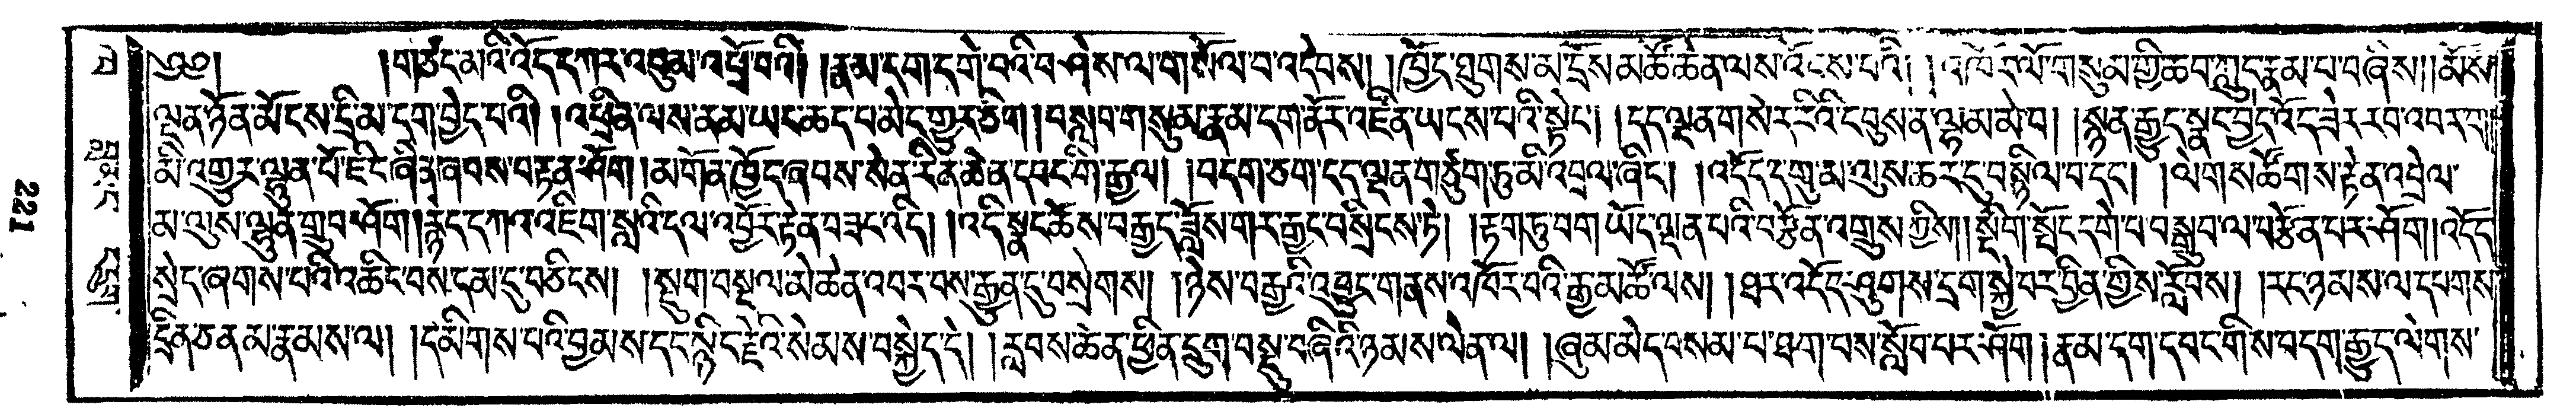༄༅། །གཙང་མའི་འོད་དཀར་འབུམ་འཕྲོ་བའི། །རྣམ་དག་དགེ་བའི་བཤེས་ལ་གསོལ་བ་འདེབས། །ཁྱོད་ཐུགས་མ་དྲོས་མཚོ་ཆེན་ལས་འོངས་པའི། །འཁོར་ལོ་གསུམ་གྱི་ཆབ་ཀླུང་རྣམ་པ་བཞིས། །མོས་
ལྡན་ཉོན་མོངས་དྲི་མ་དག་བྱེད་པའི། །འཕྲིན་ལས་ནམ་ཡང་ཆད་པ་མེད་གྱུར་ཅིག །བསླབ་གསུམ་རྣམ་དག་ནོར་འཛིན་ཡངས་པའི་སྟེང་། །དད་ལྡན་གསེར་རིའི་དབུས་ན་ལྷམ་མེ་བ། །སྙན་རྒྱུད་སྣང་བྱེད་འོད་ཟེར་རབ་འབར་བ།།
མི་འགྱུར་ལྷུན་པོ་ཇི་བཞིན་ཞབས་བརྟན་ཤོག །མགོན་ཁྱོད་ཞབས་སེན་རིན་ཆེན་དབང་གི་རྒྱལ། །བདག་ཅག་དད་ལྡན་གཙུག་ཏུ་མི་འབྲལ་ཞིང་། །འདོད་དགུ་མ་ལུས་ཆར་དུ་བ་སྙིལ་བ་དང་། །ལེགས་ཚོགས་རྟེན་འབྲེལ་
མ་ལུས་ལྷུན་གྲུབ་ཤོག །རྙེད་དཀའ་འཇིག་སླའི་དལ་འབྱོར་རྟེན་བཟང་འདི། །འདི་སྣང་ཆོས་བརྒྱད་ཟློས་གར་རྒྱང་བསྲིངས་ཏེ། །རྟག་ཏུ་བག་ཡོད་ལྡན་པའི་བརྩོན་འགྲུས་ཀྱིས། །སྡིག་སྤོང་དགེ་པ་བསྒྲུབ་ལ་བརྩོན་པར་ཤོག །འདོད་
སྲེད་ཞགས་པའི་འཆིང་བས་དམ་དུ་བཅིངས། །སྡུག་བསྔལ་མེ་ཆེན་འབར་བས་རྒྱུན་དུ་བསྲེགས། །ཉེས་བརྒྱའི་འབྱུང་གནས་འཁོར་བའི་རྒྱ་མཚོ་ལས། །ཐར་འདོད་ཤུགས་དྲག་སྐྱེ་བར་བྱིན་གྱིས་རློབས། །རང་ཉམས་ལ་དཔགས་
དྲིན་ཅན་མ་རྣམས་ལ། །དམིགས་པའི་བྱམས་དང་སྙིང་རྗེའི་སེམས་བསྐྱེད་དེ། །རླབས་ཆེན་ཕྱིན་དྲུག་བསྡུ་བཞིའི་ཉམས་ལེན་ལ། །ཞུམ་མེད་བསམ་པ་ཐག་པས་སློབ་པར་ཤོག །རྣམ་དག་དབང་གིས་བདག་རྒྱུད་ལེགས་